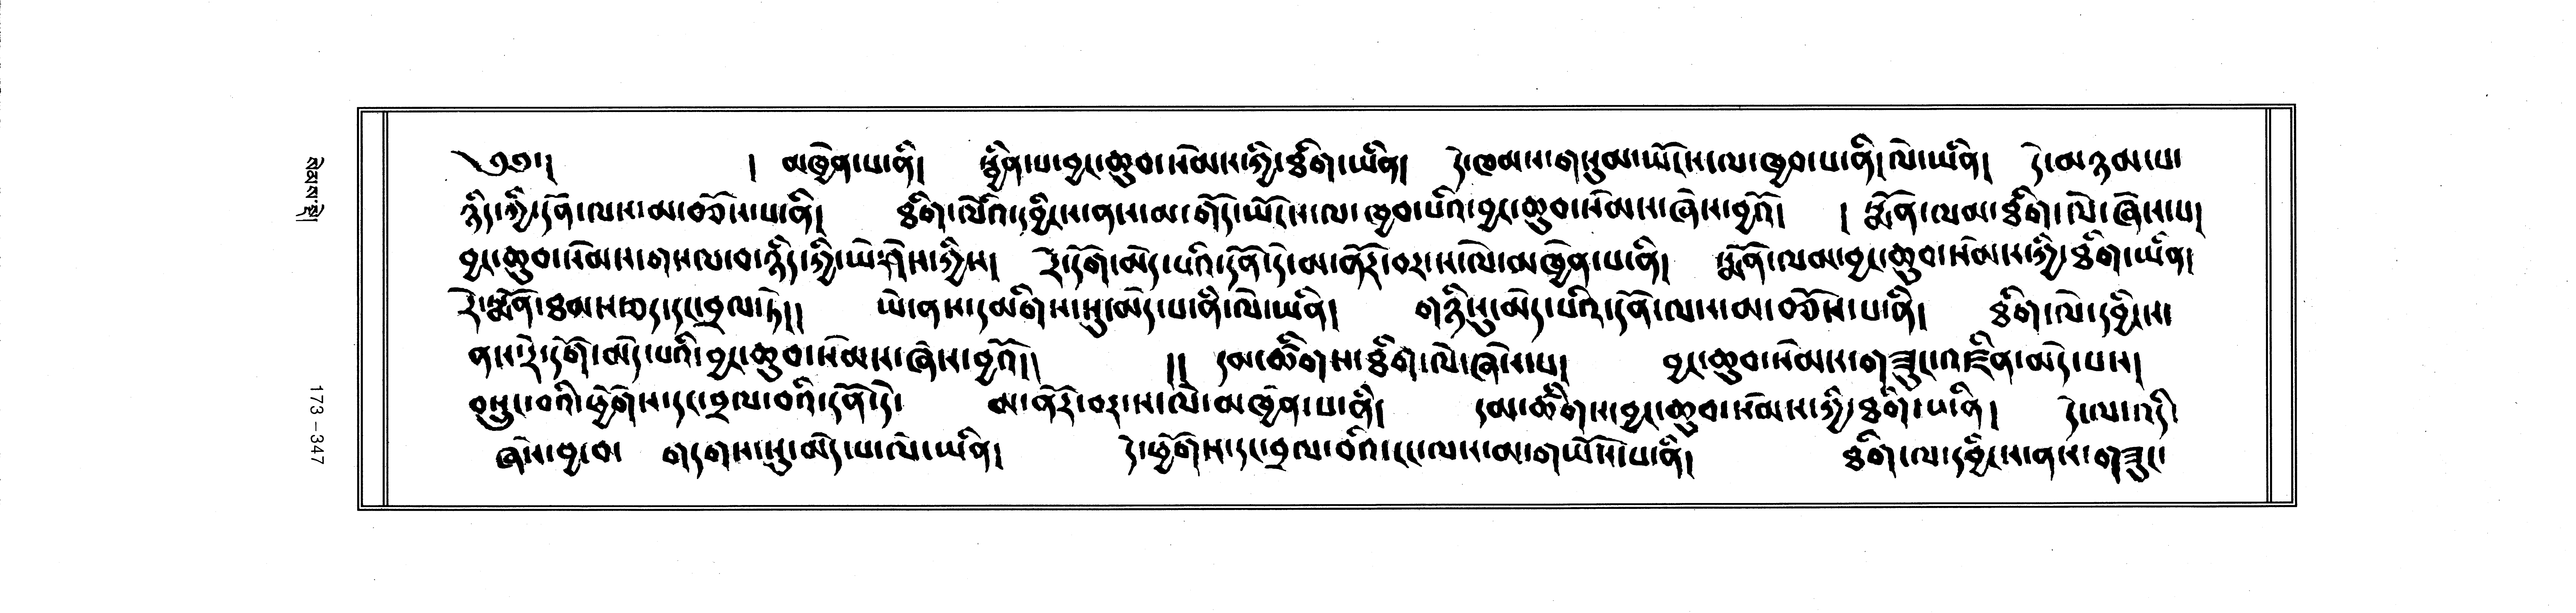མཁྱེན་པ་ནི། སྦྱིན་པ་བྱང་ཆུབ་སེམས་ཀྱི་ཐིག་ཡིན། དེ་ཁམས་གསུམ་ཡོངས་ལ་ཁྱབ་པ་ནི་ལེ་ཡིན། དེ་མཉམ་པ་
ཉིད་ཀྱི་དོན་ལས་མ་བཅོས་པ་ནི། ཐིག་ལེའི་དབྱིངས་ནས་མ་གོད་ཡོིངས་ལ་ཁྱབ་པའི་བྱང་ཆུབ་སེམས་ཞེས་བྱའོ། །སྨོན་ལམ་ཐིག་ལེ་ཞེས་པ། 
བྱང་ཆུབ་སེམས་གསལ་བ་ཉིད་ཀྱི་ཡེ་ཤེས་ཀྱིས། རེ་དོག་མེད་པའི་དོན་དེ་མ་ནོར་བར་སལེ་མཁྱེན་པ་ནི། སྨོན་ལམ་བྱང་ཆུབ་སེམས་ཀྱི་ཐིག་ཡིན། 
རེ་སྨོན་ཐམས་ཅད་དང་བྲལ་ཏེ། ཡེ་ནས་དམིགས་སུ་མེད་པ་ནི་ལེ་ཡིན། གཉིས་སུ་མེད་པའི་དོན་ལ་མ་བཅོས་པ་ནི་ཐིག་ལེ་དབྱིངས་
ན་རེ་དྭོགས་མེད་པའི་བྱང་ཆུབ་སེམས་ཞེས་བྱའོ། །དམ་ཚིག་ཐིག་ལེ་ཞེས་པ། བྱང་ཆུབ་སེམས་གཟུང་འཛིན་མེད་པས། 
བསྲུང་བའི་ཕྱོགས་དང་བྲལ་བའི་དོན་དེ། མ་ནོར་བར་སལེ་མཁྱེན་པ་ནི། དམ་ཚིག་བྱང་ཆུབ་སེམས་ཀྱི་ཐིག་ཡིན། དེ་ལ་འདི་
ཞེས་བྱ་བ་གདགས་སུ་མེད་པ་ལེ་ཡིན། དེ་ཕྱོགས་དང་བྲལ་བའི་ངང་ལས་མ་གཡོས་པ་ནི། ཐིག་ལ་དབྱིངས་ནས་གཟུང་